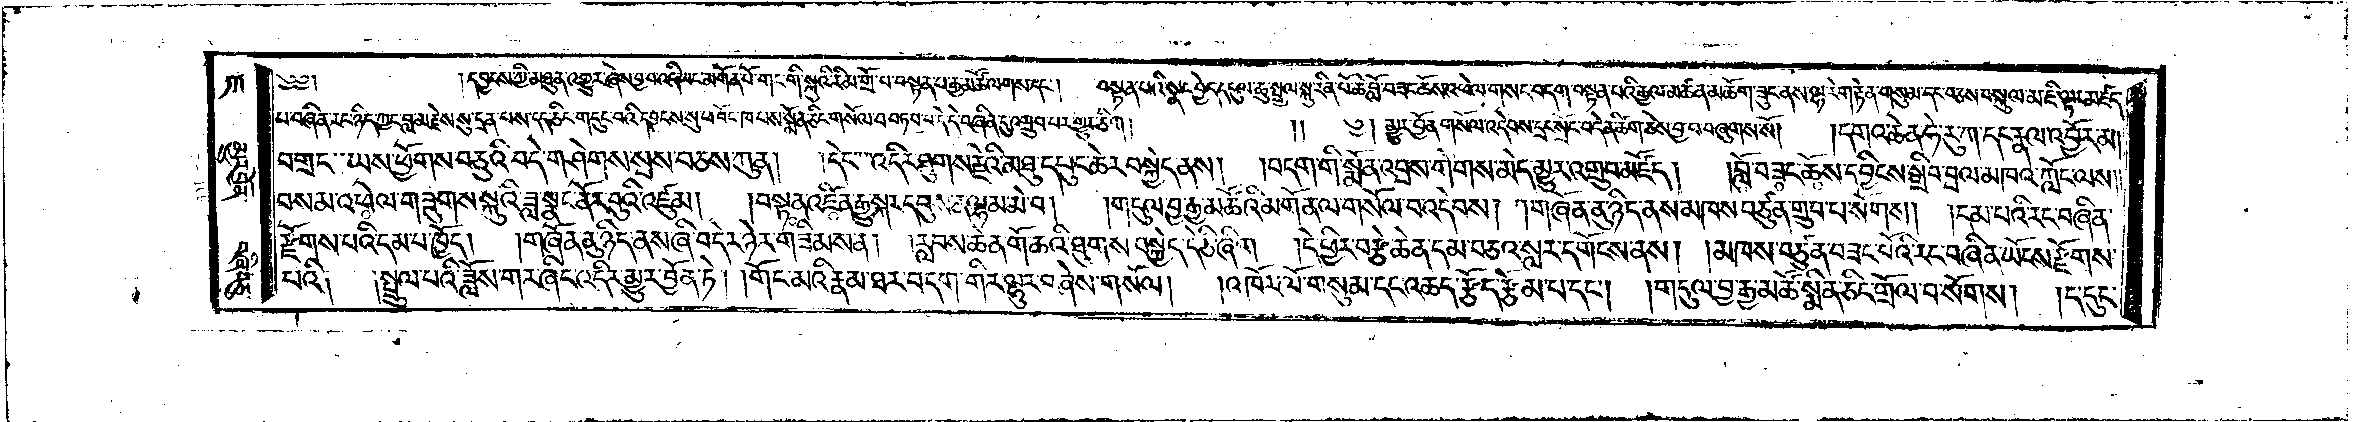༄༅། །དབྱངས་ཀྱི་མཐུན་འགྱུར་ཞེས་བྱ་བ་འཇི་ཡང་མགོན་པོ་གང་གི་སྐུའི་རིམ་གྲོ་པ་བསྟན་པ་རྒྱ་མཚོ་ལགས་དང་། བསྟན་པའི་སྣང་བྱེད་དངུལ་ཆུ་སྤྲུལ་སྐུ་རིན་པོ་ཆེ་བློ་བཟང་ཆོས་འཕེལ་གསང་བདག་བསྟན་པའི་རྒྱལ་མཚན་མཆོག་ཟུང་ནས་ལྷ་རེག་རྟེན་གསུམ་དང་བཅས་བསྐུལ་མ་ཇི་ལྟར་མཛད་
པ་བཞིན་རང་ཉིད་ཀྱང་བླ་མ་རྗེས་སུ་དྲན་པས་དད་ཅིང་གདུང་བའི་དབྱངས་སུ་པ་བོས་ཐ་པས་སྨོན་ཅིང་གསོལ་བ་བཏབ་པ་དེ་དེང་བཞིན་དུ་འགྲུབ་བར་གྱུར་ཅིག ། །། ༈ ། མྱུར་བྱོན་གསོལ་འདེབས་དྲང་སྲོང་བདེན་ཚིག་ཅེས་བྱ་བ་བཞུགས་སོ། །དགའ་ཆེན་ཧེ་རུ་ཀ་དང་རྣལ་འབྱོར་མ།།
བགྲང་ཡས་ཕྱོགས་བཅུའི་བདེ་གཤེགས་སྲས་བཅས་ཀུན། །དེང་འདིར་ཐུགས་རྗེའི་མཐུ་དཔུང་ཆེར་བསྐྱེད་ནས། །བདག་གི་སྨོན་འབྲས་གེགས་མེད་མྱུར་འགྲུབ་མཛོད། །བློ྾་བཟང྾་ཆོས྾་དབྱིངས་སྒྲིབ་བྲལ་མཁའ་ཀློང་ལས། །
བས་འཕེལ྾་གཟུགས་སྐུའི་ཟླ་སྣང་ནོར་བུའི་འཛུམ། །བསྟན྾་འཛིན྾་རྒྱུ་སྐར་དབུས་ན་ལྷམ་མེ་བ། །གདུལ་བྱ་རྒྱ་མཚོའི་མགོན་ལ་གསོལ་བ་འདེབས། །གཞོན་ནུ་ཉིད་ནས་མཁས་བཙུན་གྲུབ་པ་སོགས། །དམ་པའི་རང་བཞིན་
རྫོགས་པའི་དམ་པ་ཁྱོད། །གཞོན་ནུ་ཉིད་ནས་ཞི་བདེར་ཉེར་གཟིམས་ན། །རླབས་ཆེན་གོ་ཆའི་ཐུགས་བསྐྱེད་དེ་ཅི་ཞིག །དེ་ཕྱིར་བརྩེ་ཆེན་དམ་བཅའ་སླར་དགོངས་ནས། །མཁས་བཙུན་བཟང་པོའི་རང་བཞིན་ཡོངས་རྫོགས་
པའི༑ །སྤྲུལ་པའི་ཟློས་གར་ཞིང་འདིར་མྱུར་བྱོན་ཏེ། །གོང་མའི་རྣམ་ཐར་བདག་གིར་ལྷུ་རང་ཞེས་གསོལ། །འཁོར་ལོ་གསུམ་དང་འཆད་རྩོད་རྩོམ་པ་དང་། །གདུལ་བྱ་རྒྱ་མཚོ་སྨིན་ཅིང་གྲོལ་བ་སོགས། །ད་དུང་